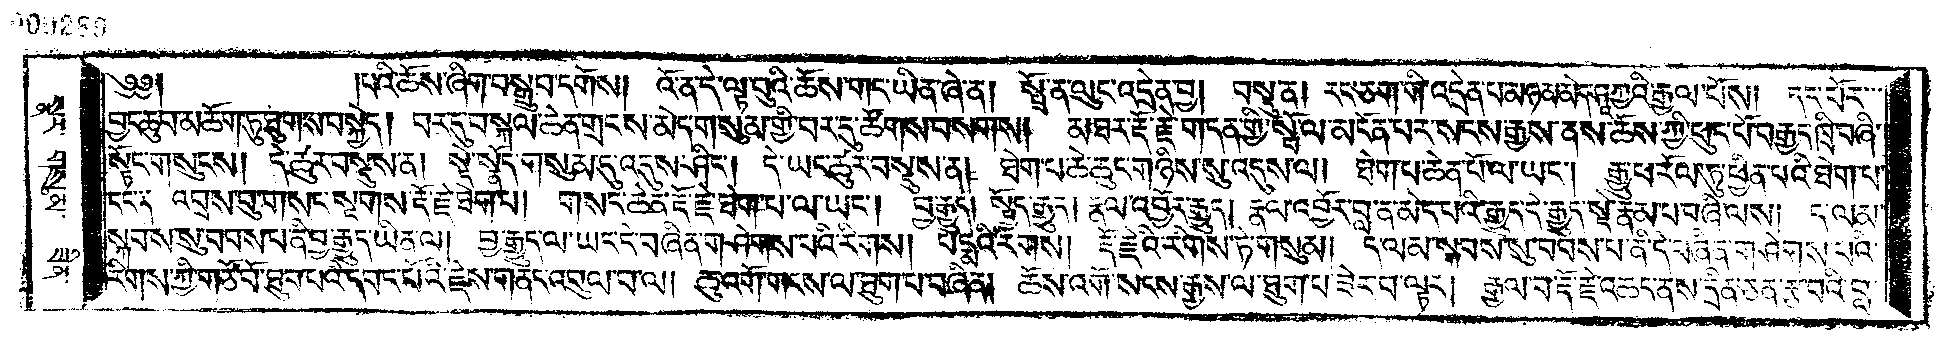༄༅། །པའི་ཆོས་ཞིག་བསྒྲུབ་དགོས། འོ་ན་དེ་ལྟ་བུའི་ཆོས་གང་ཡིན་ཞེ་ན། སྤྲོ་ན་ལུང་འདྲེན་བྱ། བསྡུ་ན། རང་ཅག་གི་འདྲེན་པ་མཉམ་མེད་ཤཱཀྱའི་རྒྱལ་པོས། དང་པོར་
བྱང་ཆུབ་མཆོག་ཏུ་ཐུགས་བསྐྱེད། བར་དུ་བསྐལ་ཆེན་གྲངས་མེད་གསུམ་གྱི་བར་དུ་ཚོགས་བསགས། མཐར་རྡོ་རྗེ་གདན་གྱི་སྤོ་ལ་མངོན་པར་སངས་རྒྱས་ནས་ཆོས་ཀྱི་ཕུང་པོ་བརྒྱད་ཁྲི་བཞི་
སྟོང་གསུངས། དེ་ཚུར་བསྡུས་ན། སྡེ་སྣོད་གསུམ་དུ་འདུས་ཤིང་། དེ་ཡང་ཚུར་བསྡུས་ན། ཐེག་པ་ཆེ་ཆུང་གཉིས་སུ་འདུས་ལ། ཐེག་པ་ཆེན་པོ་ལ་ཡང་། རྒྱུ་ཕ་རོལ་ཏུ་ཕྱིན་པའི་ཐེག་པ་
དང༑ འབྲས་བུ་གསང་སྔགས་རྡོ་རྗེ་ཐེག་པ། གསང་ཆེན་རྡོ་རྗེ་ཐེག་པ་ལ་ཡང་། བྱ་རྒྱུད། སྤྱོད་རྒྱུད། རྣལ་འབྱོར་རྒྱུད། རྣལ་འབྱོར་བླ་ན་མེད་པའི་རྒྱུད་དེ་རྒྱུད་སྡེ་རྣམ་པ་བཞི་ལས། ད་ལམ་
སྐབས་སུ་བབས་པ་ནི་བྱ་རྒྱུད་ཡིན་ལ། བྱ་རྒྱུད་ལ་ཡང་དེ་བཞིན་གཤེགས་པའི་རིགས། པདམའི་རིགས། རྡོ་རྗེའི་རིགས་ཏེ་གསུམ། ད་ལམ་སྐབས་སུ་བབས་པ་ནི་དེ་བཞིན་གཤེགས་པའི་
རིགས་ཀྱི་གཙོ་བོ་ཐུབ་པའི་དབང་པོའི་རྗེས་གནང་འབུལ་བ་ལ། ཆུ་འགོ་གངས་ལ་ཐུག་པ་བཞིན། ཆོས་འགོ་སངས་རྒྱས་ལ་ཐུག་པ་ཟེར་བ་ལྟར། རྒྱལ་བ་རྡོ་རྗེ་འཆང་ནས་དྲིན་ཅན་རྩ་བའི་བླ་